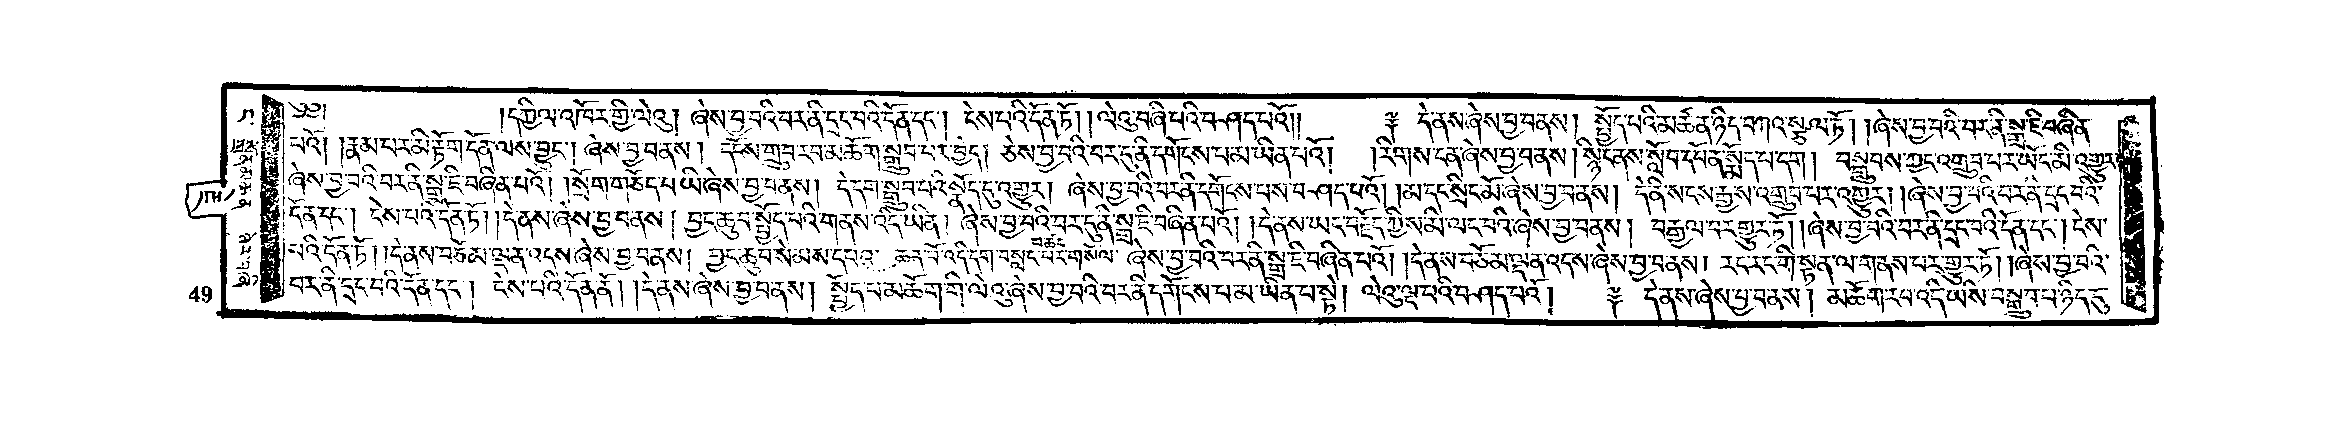༄༅། །དཀྱིལ་འཁོར་གྱི་ལེའུ། ཞེས་བྱ་བའི་བར་ནི་དྲང་བའི་དོན་དང་། ངེས་པའི་དོན་ཏོ། །ལེའུ་བཞི་པའི་བཤད་པའོ།། ༈ དེ་ནས་ཞེས་བྱ་བ་ནས། སྤྱོད་པའི་མཚན་ཉིད་བཀའ་སྩལ་ཏོ། །ཞེས་བྱ་བའི་བར་ནི་སྒྲ་ཇི་བཞིན་
པའོ། །རྣམ་པར་མི་རྟོག་དོན་ལས་བྱུང་། ཞེས་བྱ་བ་ནས། དངོས་གྲུབ་རབ་མཆོག་སྒྲུབ་པར་བྱེད། ཅེས་བྱ་བའི་བར་དུ་ནི་དགོངས་པ་མ་ཡིན་པའོ། །རིགས་ངན་ཞེས་བྱ་བ་ནས། སྙིང་ནས་སློབ་དཔོན་སྨོད་པ་དག །བསྒྲུབས་ཀྱང་འགྲུབ་པར་ཡོད་མི་འགྱུར།
ཞེས་བྱ་བའི་བར་ནི་སྒྲ་ཇི་བཞིན་པའོ། །སྲོག་གཅོད་པ་ཡི་ཞེས་བྱ་བ་ནས། དེ་དག་སྒྲུབ་པའི་སྣོད་དུ་འགྱུར། ཞེས་བྱ་བའི་བར་ནི་དགོངས་པས་བཤད་པའོ། །མ་དང་སྲིང་མོ་ཞེས་བྱ་བ་ནས། དེ་ནི་སངས་རྒྱས་འགྲུབ་པར་འགྱུར། །ཞེས་བྱ་བའི་བར་ནི་དྲང་བའི་
དོན་དང་། ངེས་པའི་དོན་ཏོ། །དེ་ནས་ཞེས་བྱ་བ་ནས། བྱང་ཆུབ་སྤྱོད་པའི་གནས་འདི་ཡིན། ཞེས་བྱ་བའི་བར་དུ་ནི་སྒྲ་ཇི་བཞིན་པའོ། །དེ་ནས་ཡང་བརྗོད་ཀྱིས་མི་ལང་བའི་ཞེས་བྱ་བ་ནས། བརྒྱལ་བར་གྱུར་ཏོ། །ཞེས་བྱ་བའི་བར་ནི་དྲང་བའི་དོན་དང་། ངེས་
པའི་དོན་ཏོ། །དེ་ནས་བཅོམ་ལྡན་འདས་ཞེས་བྱ་བ་ནས། བྱང་ཆུབ་སེམས་དཔའ་ཆེན་པོ་འདི་དག་བསླང་པ་ཚབ་?་པར་གསོལ་ཞེས་བྱ་བའི་བར་ནི་སྒྲ་ཇི་བཞིན་པའོ། །དེ་ནས་བཅོམ་ལྡན་འདས་ཞེས་བྱ་བ་ནས། རང་རང་གི་སྟན་ལ་གནས་པར་གྱུར་ཏོ། །ཞེས་བྱ་བའི་
བར་ནི་དྲང་བའི་དོན་དང་། ངེས་པའི་དོན་ནོ། །དེ་ནས་ཞེས་བྱ་བ་ནས། སྤྱོད་པ་མཆོག་གི་ལེའུ་ཞེས་བྱ་བའི་བར་ནི་དགོངས་པ་མ་ཡིན་པ་སྟེ། ལེའུ་ལྔ་པའི་བཤད་པའོ། ༈ དེ་ནས་ཞེས་བྱ་བ་ནས། མཆོག་རབ་འདི་ཡིས་བསྒྲུབ་པ་ཉིད་དུ་